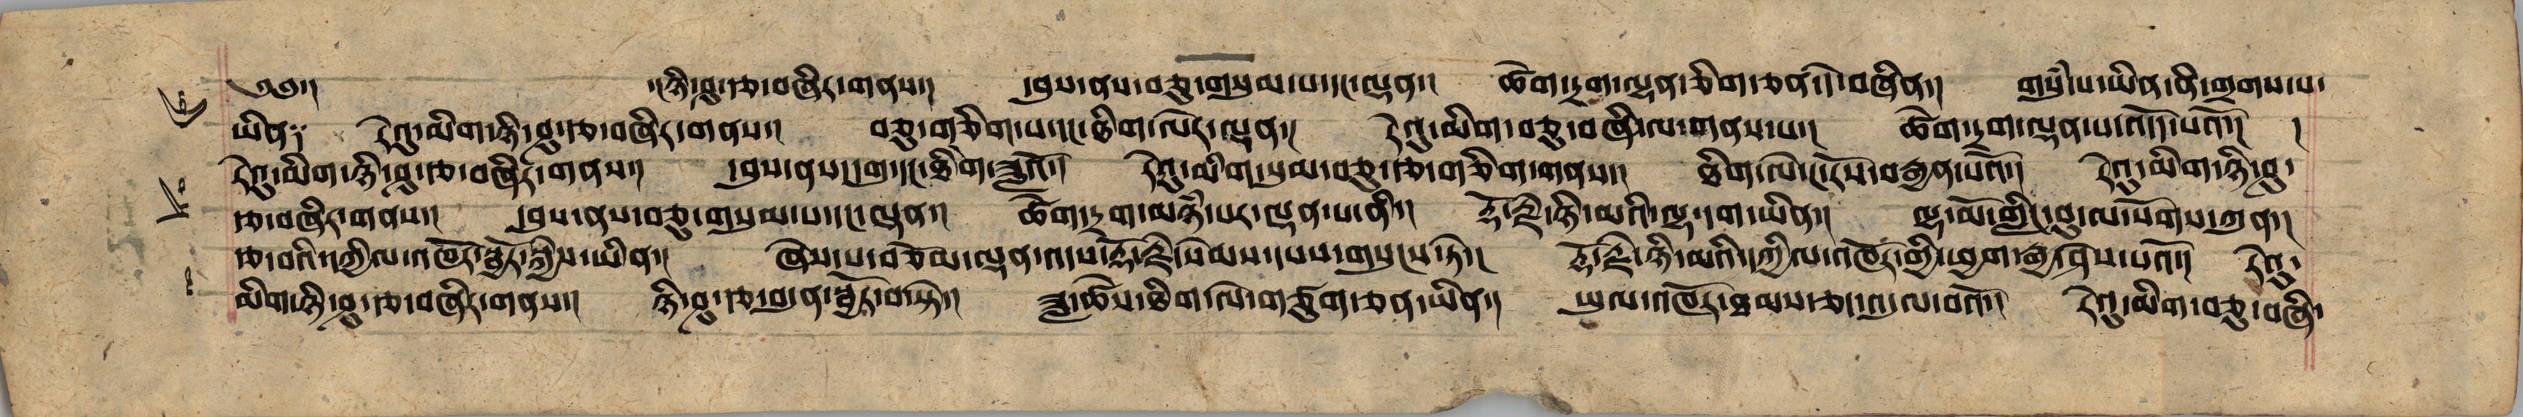༄༅་། ་།ཉི་ཤུ་རྩ་བཞིར་གནས་། དབུས་ནས་བཅུ་གསུམ་པ་དང་ལྡན་། ཚེག་དྲག་ལྷན་ཅིག་ཅན་དེ་བཞིན་། གསུཾ་པ་ཡིན་ནི་གྲགས་པ་
ཡིན༑ རེའུ་མིག་ཉི་ཤུ་རྩ་བཞིར་གནས་། བཅུ་གཅིག་པ་དང་ཐིག་ལེར་ལྡན་། རེའུ་མིག་བཅུ་བཞི་ལ་གནས་པ་། ཚེག་དྲག་ལྡན་པ་འདོད་པའོ་།
རེའུ་མིག་ཉི་ཤུ་རྩ་བཞིར་གནས་། དབུས་ནས་དགུ་དང་ཐིེག་ཟླའོ་། རེའུ་མིག་སུམ་བཅུ་རྩ་གཅིག་གནས་། ཐིག་ལེ་ང་རོས་བརྒྱན་པའོ་། རེའུ་མིག་ཉི་ཤུ་
རྩ་བཞིར་གནས་། དབུས་ནས་བཅུ་གསུམ་པ་དང་ལྡན་། ཚེག་དྲག་མཉཾ་པར་ལྡན་པ་ནི་། རྡོ་རྗེ་ཉི་མའི་ལྷ་དག་ཡིན་། ལྷ་མོ་གླིང་བུ་ལ་སོགས་ཀུན་།
རྩ་བའི་དཀྱིལ་འཁོར་སྦྱོར་སྐྱེས་ཡིན་། ཞེས་པ་བཅོམ་ལྡན་འདས་རྡོ་རྗེ་སེམས་དཔས་གསུངས་ཏེ་། རྡོརྗེ་ཉི་མའི་དཀྱིལ་འཁོར་གྱི་ཕྱག་རྒྱ་ཤེས་པའོ་། རེའུ་
མིག་ཉི་ཤུ་རྩ་བཞིར་གནས་། ཉི་ཤུ་རྩ་བདུན་སྦྱོར་བ་སྟེ་། ཟླ་ཚེས་ཐིག་ལེ་གཙུག་ཅན་ཡིན་། ཡུལ་འཁོར་ཐམས་ཅད་འདུལ་བའོ་། རེའུ་མིག་བཅུ་བཞི་